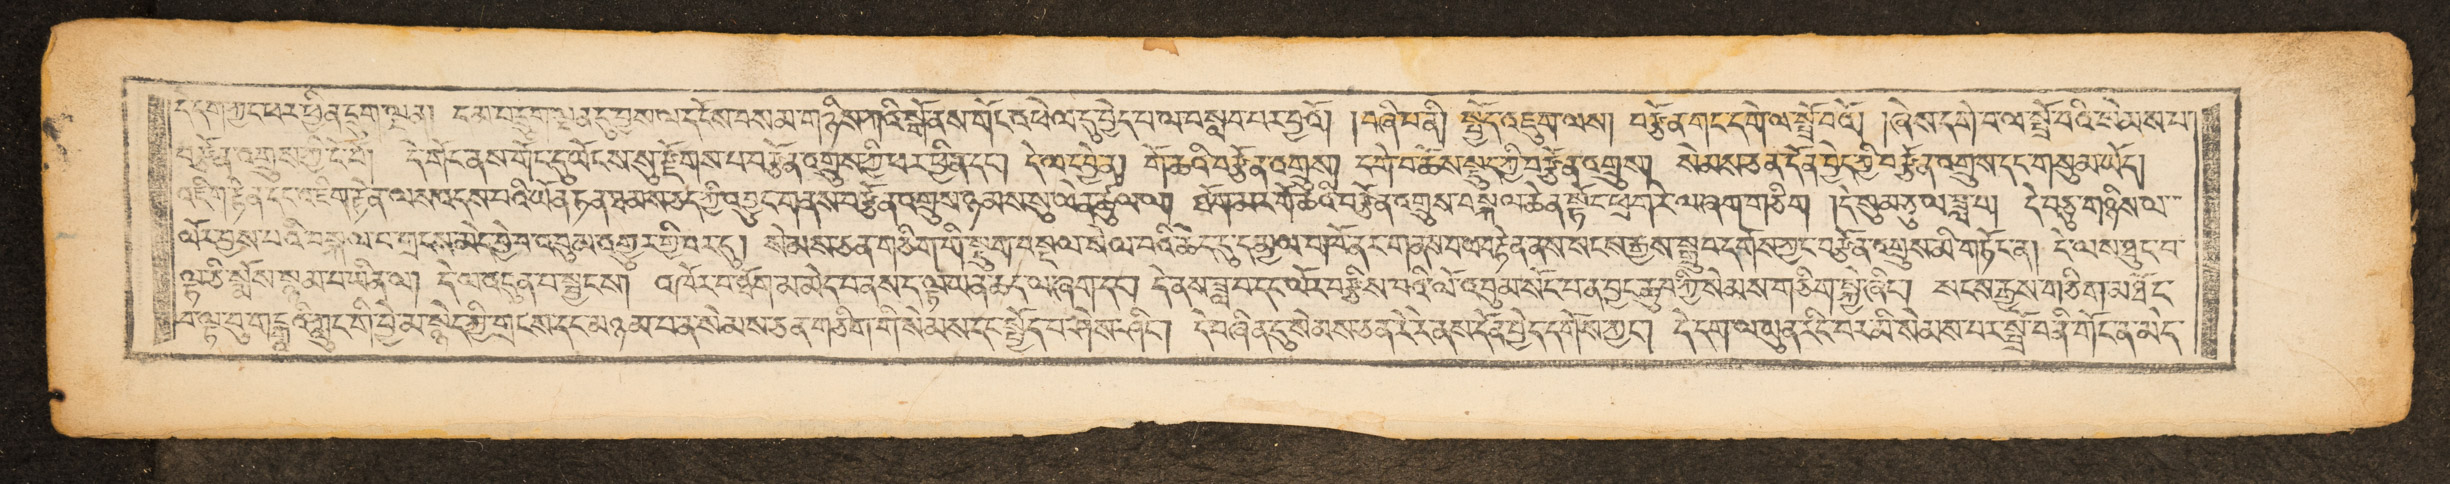དེ་དག་ཀྱང་ཕར་ཕྱིན་དྲུག་ལྡན། དམ་པ་དྲུག་ལྡན་དུ་བྱས་ལ་དངོས་བསམ་གཉིས་ཀའི་སྒོ་ནས་གོང་འཕེལ་དུ་བྱེད་པ་ལ་བསླབ་པར་བྱའོ། །བཞི་པ་ནི། སྤྱོད་འཇུག་ལས། བརྩོན་གང་དགེ་ལ་སྤྲོ་བའོ། །ཞེས་དགེ་བ་ལ་སྤྲོ་བའི་སེམས་པ་
བརྩོན་འགྲུས་ཀྱི་ངོ་བོ། དེ་གོང་ནས་གོང་དུ་ཡོངས་སུ་རྫོགས་པ་བརྩོན་འགྲུས་ཀྱི་ཕར་ཕྱིན་དང་། དེ་ལ་དབྱེ་ན། གོ་ཆའི་བརྩོན་འགྲུས། དགེ་བ་ཆོས་སྡུད་ཀྱི་བརྩོན་འགྲུས། སེམས་ཅན་དོན་བྱེད་ཀྱི་བརྩོན་འགྲུས་དང་གསུམ་ཡོད།
འཇིག་རྟེན་དང་འཇིག་རྟེན་ལས་འདས་པའི་ཡོན་ཏན་ཐམས་ཅད་ཀྱི་འབྱུང་གནས་བརྩོན་འགྲུས་ཉམས་སུ་ལེན་ཚུལ་ལ། ཐོག་མར་གོ་ཆའི་བརྩོན་འགྲུས་བསྐལ་ཆེན་སྟོང་ཕྲག་རེ་ལ་ཞག་གཅིག །དེ་སུམ་ཅུ་ལ་ཟླ་བ། དེ་བཅུ་གཉིས་ལ་
ལོར་བྱས་པའི་བསྐལ་པ་གྲངས་མེད་བྱེ་བ་འབུམ་འགྱུར་གྱི་བར་དུ། སེམས་ཅན་གཅིག་གི་སྡུག་བསྔལ་སེལ་བའི་ཆེད་དུ་དམྱལ་བ་ཁོ་ནར་གནས་བ་ལ་བརྟེན་ནས་སངས་རྒྱས་སྒྲུབ་དགོས་ཀྱང་བརྩོན་འགྲུས་མི་གཏོང་ན། དེ་ལས་ཐུང་བ་
ལྟ་ཅི་སྨོས་སྙམ་པ་ཡིན་ལ། དེ་ལ་འདུན་པ་སྦྱངས། འཁོར་བ་ཐོག་མ་མེད་པ་ནས་ད་ལྟ་ཡན་ཆད་ལ་ཞག་དང་། དེ་ནས་ཟླ་བ་དང་ལོར་བརྩིས་པའི་ལོ་འབུམ་སོང་བ་ན་བྱང་ཆུབ་ཀྱི་སེམས་གཅིག་སྐྱེ་ཞིང་། སངས་རྒྱས་གཅིག་མཐོང་
བ་ལྟ་བུ་གངྒཱའི་ཀླུང་གི་བྱེ་མ་སྙེད་ཀྱི་གྲངས་དང་མཉམ་པ་ན་སེམས་ཅན་གཅིག་གི་སེམས་དང་སྤྱོད་པ་ཤེས་ཤིང་། དེ་བཞིན་དུ་སེམས་ཅན་རེ་རེ་ནས་དོན་བྱེད་དགོས་ཀྱང་། དེ་དག་ལ་ཡུན་རིང་བར་མི་སེམས་པར་སྤྲོ་བ་ནི་གོང་ན་མེད་